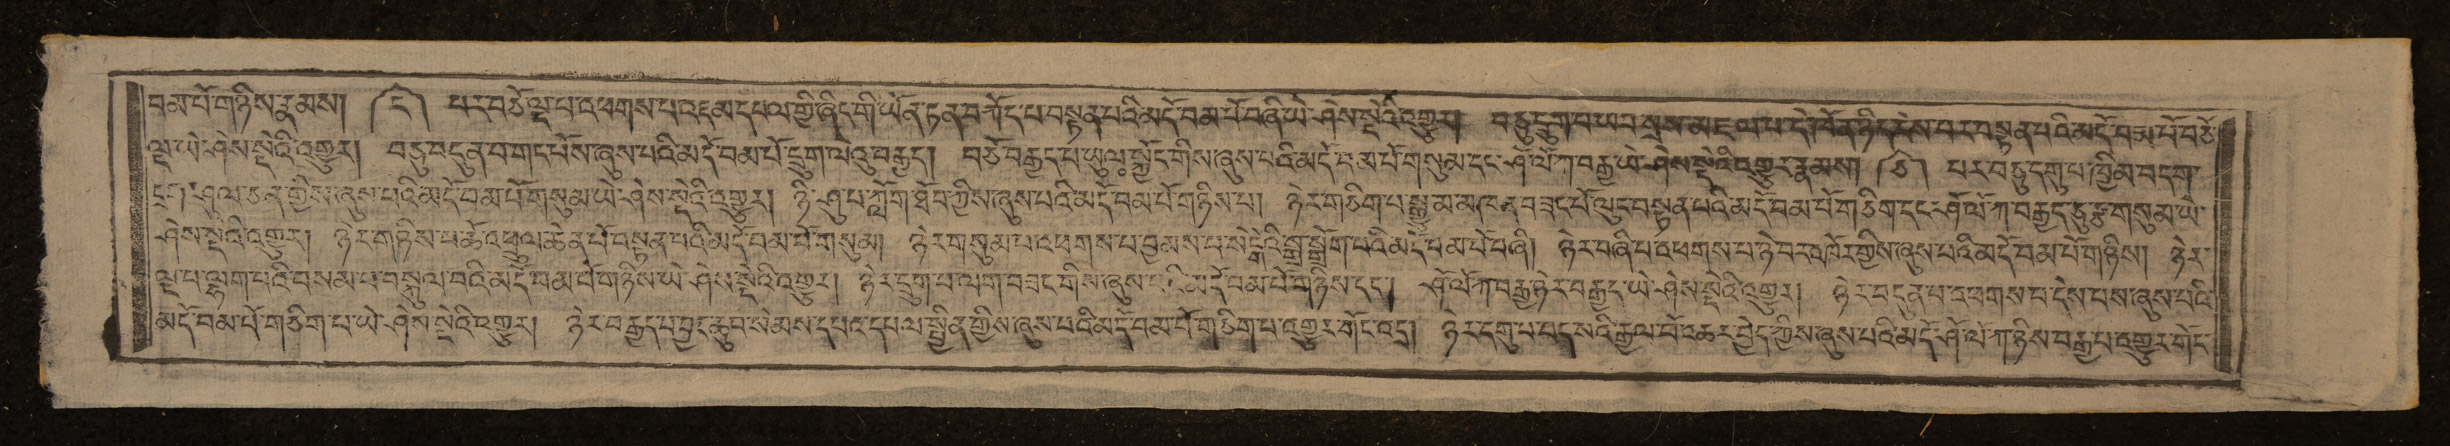བམ་པོ་གཉིས་རྣམས། {ང}་བར་བཅོ་ལྔ་བ་འཕགས་པ་འཇམ་དཔལ་གྱི་ཞིང་གི་ཡོན་ཏན་བཀོད་པ་བསྟན་པའི་མདོ་བམ་པོ་བཞི་ཡེ་ཤེས་སྡེའི་འགྱུར། བཅུ་དྲུག་པ་ཡབ་སྲས་མཇལ་བ་དེ་ཁོན་ཉིད་དེས་བར་བསྟན་པའི་མདོ་བམ་པོ་བཅོ་
ལྡ་ཡེ་ཤེས་སྡེའི་འགྱུར། བཅུ་བདུན་པ་གང་བོས་ཞུས་པའི་མདོ་བམ་པོ་དྲུག་ལེའུ་བརྒྱད། བཅོ་བརྒྱད་པ་ཡུལཾ་སྐྱོད་ཀྱོད་གིས་ཞུས་པའི་མདོ་བམ་པོ་གསུམ་དང་ཤོ་ལོ་ཀ་བརྒྱ་ཡེ་ཤེས་སྡེའི་འགྱུར་རྣམས། {ཅ}་བར་བཅུ་དགུ་བ་ཁྱིམ་བདག་
དྲུག་ཤུལ་ཅན་གྱིས་ཞུས་པའི་མདོ་བམ་པོ་གསུམ་ཡེ་ཤེས་སྡེའི་འགྱུར། ཉི་ཤུ་བ་ཀློག་ཐོབ་ཀྱིས་ཞུས་པའི་མདོ་བམ་པོ་གཉིས་པ། ཉེར་གཅིག་བ་སྒྲྱུ་མ་མཁན་བཟང་པོ་ལུང་བསྟན་པའི་མདོ་བམ་པོ་གཅིག་དང་ཤོ་ལོ་ཀ་བརྒྱད་ཅུ་རྩ་གསུམ་ཡེ་
ཤེས་སྡེའི་འགྱུར། ཉེར་གཉིས་པ་ཆོ་འཕྲུལ་ཆེན་པོ་བསྟན་པའི་མདོ་བམ་པོ་གསུམ། ཉེར་གསུམ་པ་འཕགས་པ་བྱམས་པ་དངྒཻའི་སྒྲ་སྒྲོག་བའི་མདོ་བམ་པོ་བཞི། ཉེར་བཞི་བ་འཕགས་པ་ཉེ་བར་འཁོར་གྱིས་ཞུས་པའི་མདོ་བམ་པོ་གཉིས། ཉེར་
ལྔ་བ་ལྷག་པའི་བསམ་པ་བསྐུལ་བའི་མདོ་བམ་པོ་གཉིས་ཡེ་ཤེས་སྡེའི་འགྱུར། ཉེར་དྲུག་པ་ལག་བཟང་གིས་ཞུས་པའི་མདོ་བམ་པོ་གཉིས་དང་། ཤོ་ལོ་ཀ་བརྒྱ་ཉེར་བརྒྱུད་ཡེ་ཤེས་སྡེའི་འགྱུར། ཉེར་བདུན་པ་འཕགས་ད་དེས་པས་ཞུས་པའི་
མདོ་བམ་པོ་གཅིག་པ་ཡེ་ཤེས་སྡེའི་འགྱུར། ཉེར་བརྒྱད་བ་བྱང་ཆུབ་སེམས་དཔའ་དཔལ་སྦྱིན་གྱིས་ཞུས་པའི་མདོ་བམ་པོ་གཅིག་པ་འགྱུར་གོང་འདྲ། ཉེར་དགུ་བ་བདསཱི་རྒྱལ་བོ་འཆར་བྱེད་ཀྱིས་ཞུས་པའི་མདོ་ཤོ་ལོ་ཀ་ཉིས་བརྒྱ་བ་འགྱུར་གོང་